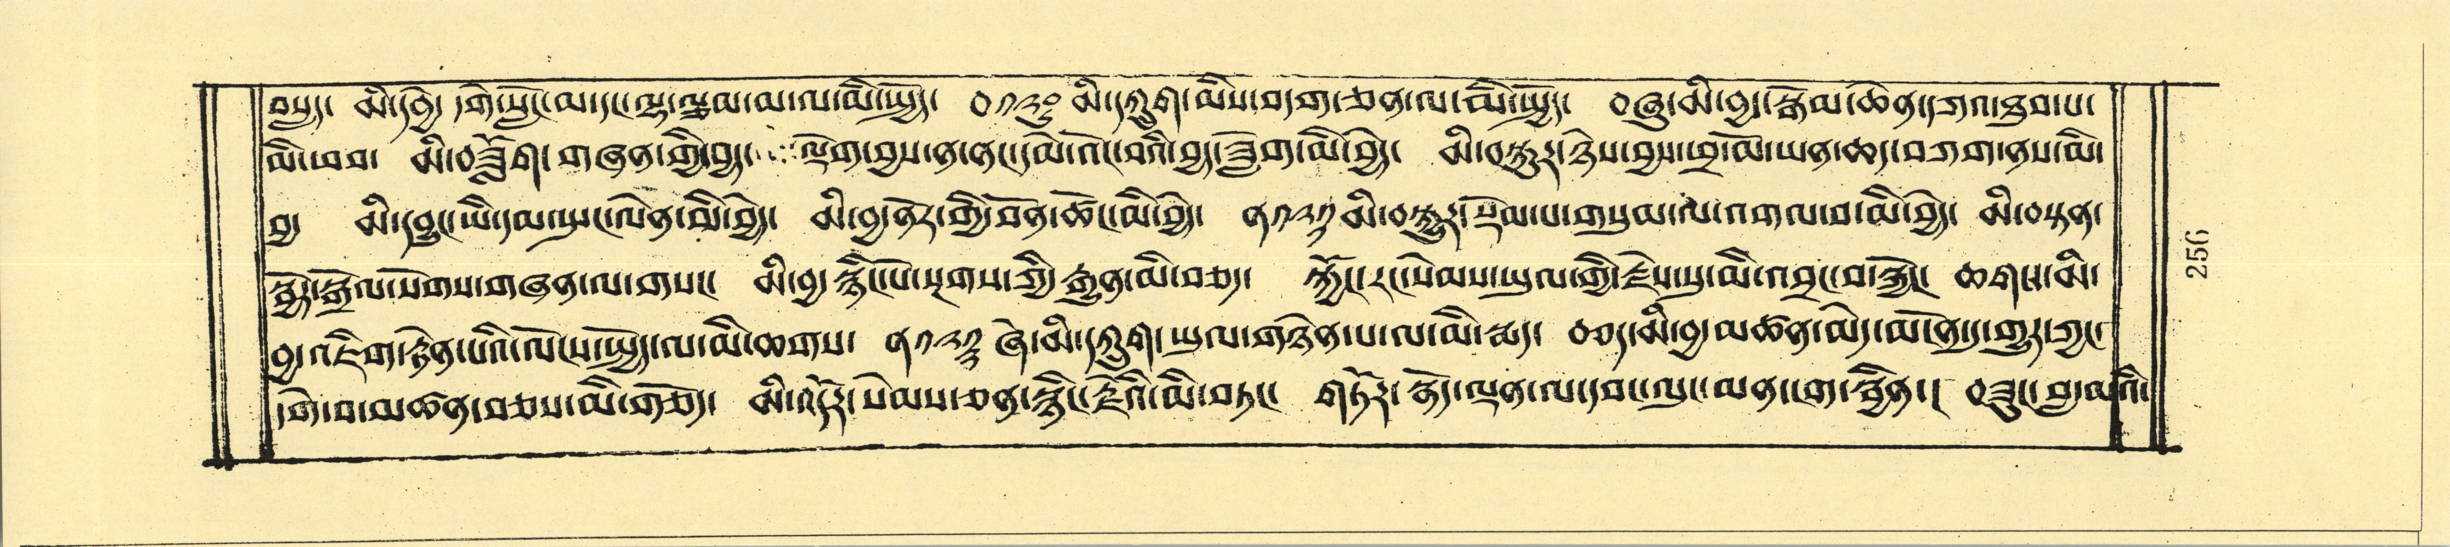བསླད། ༼མི་དབྱེ་༽དགེ་སློང་མ་དང་ལྷ་ལྕམ་མ་ལ་མི་སྤྱོད། བ༡༢༠།༦ མི་དཀྲུག་མིས་བདག་ཅན་ལ་མི་སྤྱོད། ༼བཞུ་མི་བྱ་༽སྒོམ་ཆེན་དཀའ་ཐུབ་པ་
མི་ཕབ། ༼མི་བཟློག་༽གཞན་གྱི་བྱད་ལྡོག་བྱས་ན་ནང་དམེ་འོང་བའི་བྱད་ཟློག་མི་བྱེད། ༼མི་བསྐུར་༽ཉེས་བྱས་ཕྲ་མོ་ཡན་ཆད་བཀག་ནས་མི་
བྱ། ༼མི་དབྱུང་༽ཡི་དམ་སྤང་ལེན་མི་བྱེད། ༼མི་བྱ་༽ནོར་གྱི་བོན་ཚོང་མི་བྱེད། ན༡༢༡།༡ ༼མི་བསྐྱུར་༽སྡོམ་པ་གསུམ་ལ་འགལ་བ་མི་བྱེད། ༼མི་བསྟན་༽
སྦྱོར་སྒྲོལ་སོགས་གཞན་ལ་གསང། ༼མི་བྱ་༽སྙིང་པོ་སྔགས་ཀྱི་རྒྱུན་མི་བཅད། ༼སྐྱོང་༽རང་སེམས་ཡུལ་གྱི་རྗེས་སུ་མི་འབྲང་བ་སྐྱོང། ༼ཆགས་མི་
བྱ་༽འཇིག་རྟེན་པའི་ལོངས་སྤྱོད་ལ་མི་ཆགས། ན༡༢༡།༢ ༼ཞེ་མི་དཀྲུག་༽ཡུལ་གཉེན་པ་ལ་མི་སྨད་ ༼བཅད་མི་བྱ་༽མཚན་མེད་མངོན་དུ་གྱུར་ཀྱང་
དགེ་བ་མཚན་བཅས་མི་གཅོད། ༼མི་འདོར་༽སེམས་ཅན་སྙིང་རྗེའི་མི་བཏང། ༼གཏོར་༽སྣོད་ལྡན་ལ་དབང་ལུང་མན་ངག་སྦྱིན། ༼བཟུང་༽བླ་མའི་